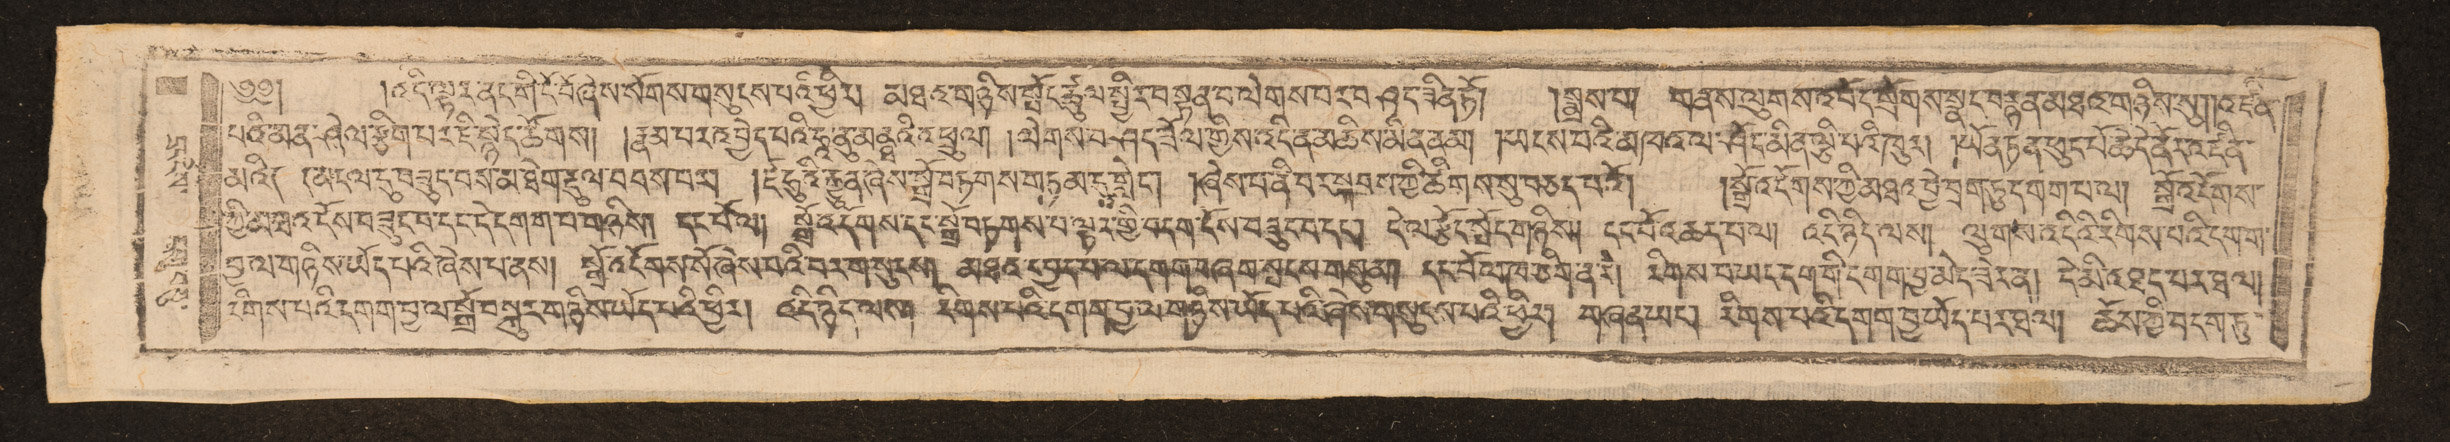༄༅། །འདི་ལྟར་ནང་གི་ངོ་བོ་ཞེས་སོགས་གསུངས་པའི་ཕྱིར། མཐའ་གཉིས་སྤོང་ཚུལ་སྤྱིར་བསྟན་པ་ལེགས་པར་བཤད་ཟིན་ཏོ། །སྨྲས་པ། གནས་ལུགས་འབོད་གྲོགས་སྣང་བརྙན་མཐའ་གཉིས་སུ། །འཛིན་
པའི་མན་ཤེལ་རྩིག་པར་ཇི་སྙེད་ཚོགས། །རྣམ་པར་འབྱེད་པའི་ཧཱ་ནུ་མ་ནྠའི?་འགྲུལ། །ལེགས་བཤད་ཟོལ་གྱིས་འདི་ན་མཆིས་མིན་ནམ། །ཡངས་པའི་མཁའ་ལ་ཤོད་མིན་ལྕི་བའི་ཁུར། །ཡོན་ཏན་ཕུང་པོ་ཆེ་དེ་ནོར་འཛིན་
མའི༑ ༑མངལ་དུ་བཟུང་བས་མ་ཐེག་རྡུལ་བབས་པར། །ཛ་ཧུའི་རྒྱུན་ཞེས་སྒྲོ་བཏགས་གཏམ་དུ་གླེད། །ཞེས་པ་ནི་བར་སྐབས་ཀྱི་ཚིགས་སུ་བཅད་པའོ། །སྒྲོ་འདོགས་ཀྱི་མཐའ་བྱེ་བྲག་ཏུ་དགག་པ་ལ། སྒྲོ་འདོགས་
ཀྱི་མཐའ་ངོས་བཟུང་བ་དང་དེ་དགག་པ་གཉིས། དང་པོ་ལ། སྒྲོ་འདོགས་དང་སྒྲོ་བཏགས་པ་ལྟར་གྱི་བདག་ངོས་བཟུང་བ་དང་། དེ་ལ་རྩོད་སྤོང་གཉིས། དང་པོ་འཆད་པ་ལ། འདི་ཉིད་ལས། ལུགས་འདིའི་རིགས་པའི་དགག་
བྱ་ལ་གཉིས་ཡོད་པའི་ཞེས་པ་ནས། སྒྲོ་འདོགས་སོ་ཞེས་པའི་བར་གསུངས། མཐའ་དཔྱད་པ་ལ་དགག་བཞག་སྤངས་གསུམ། དང་པོ་ལ་ཁ་ཅིག་ན་རེ། རིགས་པ་ཡང་དག་གི་དགག་བྱ་མེད་ཟེར་ན། དེ་མི་འཐད་པར་ཐལ།
རིགས་པའི་དགག་བྱ་ལ་སྒྲོ་བསྐུར་གཉིས་ཡོད་པའི་ཕྱིར། འདི་ཉིད་ལས། རིགས་པའི་དགག་བྱ་ལ་གཉིས་ཡོད་པའི་ཞེས་གསུངས་པའི་ཕྱིར། གཞན་ཡང་། རིགས་པའི་དགག་བྱ་ཡོད་པར་ཐལ། ཆོས་ཀྱི་བདག་ཏུ་